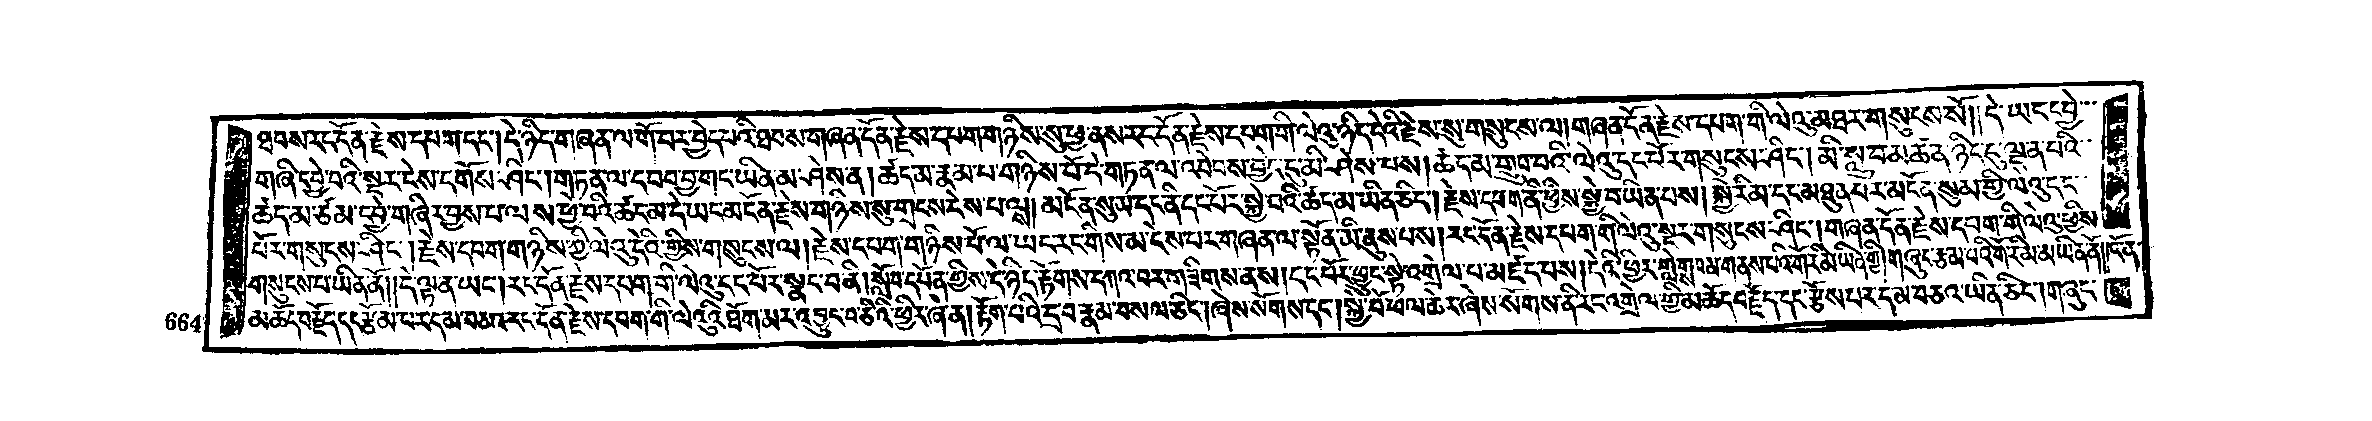ཐབས་རང་དོན་རྗེས་དཔག་དང་། དེ་ཉིད་གཞན་ལ་གོ་བར་བྱེད་པའི་ཐབས་གཞན་དོན་རྗེས་དཔག་གཉིས་སུ་ཕྱེ་ནས་རང་དོན་རྗེས་དཔག་གི་ལེའུ་ཉིད་དེའི་རྗེས་སུ་གསུངས་ལ། གཞན་དོན་རྗེས་དཔག་གི་ལེའུ་མཐར་གསུངས་སོ། །དེ་ཡང་དབྱེ་
གཞི་དབྱེ་བའི་སྔར་ངེས་དགོས་ཤིང་། གཏན་ལ་དབབ་བྱ་གང་ཡིན་མ་ཤེས་ན། ཚད་མ་རྣམ་པ་གཉིས་པོ་དེ་གཏན་ལ་འབེབས་བྱེད་དུ་མི་ཤེས་པས། ཚད་མ་གྲུབ་པའི་ལེའུ་དང་པོར་གསུངས་ཤིང་། མི་སླུ་བ་མཚན་ཉིད་དུ་ལྡན་པའི་
ཚད་མ་ཙམ་དབྱེ་གཞིར་བྱས་པ་ལས་ཕྱེ་བའི་ཚད་མ་དེ་ཡང་མངོན་རྗེས་གཉིས་སུ་གྲངས་ངེས་པ་ལས། མངོན་སུམ་དང་ནི་དང་པོར་སྐྱེ་བའི་ཚད་མ་ཡིན་ཅིང་། རྗེས་དཔག་ནི་ཕྱིས་སྐྱེ་བ་ཡིན་པས། སྐྱེ་རིམ་དང་མཐུན་པར་མངོན་སུམ་གྱི་ལེའུ་དང་
པོར་གསུངས་ཤིང་། རྗེས་དཔག་གཉིས་ཀྱི་ལེའུ་དེའི་གྱིས་གསུངས་ལ། རྗེས་དཔག་གཉིས་པོ་ལ་ཡང་རང་གིས་མ་ངེས་པར་གཞན་ལ་སྟོན་མི་ནུས་པས། རང་དོན་རྗེས་དཔག་གི་ལེའུ་སྔར་གསུངས་ཤིང་། གཞན་དོན་རྗེས་དཔག་གི་ལེའུ་ཕྱིས་
གསུངས་པ་ཡིན་ནོ། །དེ་ལྟ་ན་ཡང་། རང་དོན་རྗེས་དཔག་གི་ལེའུ་དང་པོར་སྣང་བ་ནི། སློབ་དཔོན་གྱིས་དེ་ཉིད་རྟོགས་དཀའ་བར་གཟིགས་ནས། དང་པོར་ཕྱུང་སྟེ་འགྲེལ་པ་མཛད་པས། དེའི་ཕྱིར་གླེགས་བམ་གནས་པའི་གོ་རིམ་ཡིན་གྱི། གཞུང་རྩམ་པའི་གོ་རིམ་མ་ཡིན་ནོ། །འོ་ན་
མཆོད་བརྗོད་དང་རྩོམ་པར་དམ་བཅའ་རང་དོན་རྗེས་དཔག་གི་ལེའུའི་ཐོག་མར་འབྱུང་བ་ཅིའི་ཕྱིར་ཞེ་ན། རྟོག་པའི་དྲ་བ་རྣམ་བསལ་ཅིང་། ཞེས་སོགས་དང་། སྐྱེ་བོ་ཕལ་ཆེར་ཞེས་སོགས་ནི་རང་འགྲེལ་གྱི་མཆོད་བརྗོད་དང་རྩོས་པར་དམ་བཅའ་ཡིན་ཅིང་། གཞུང་